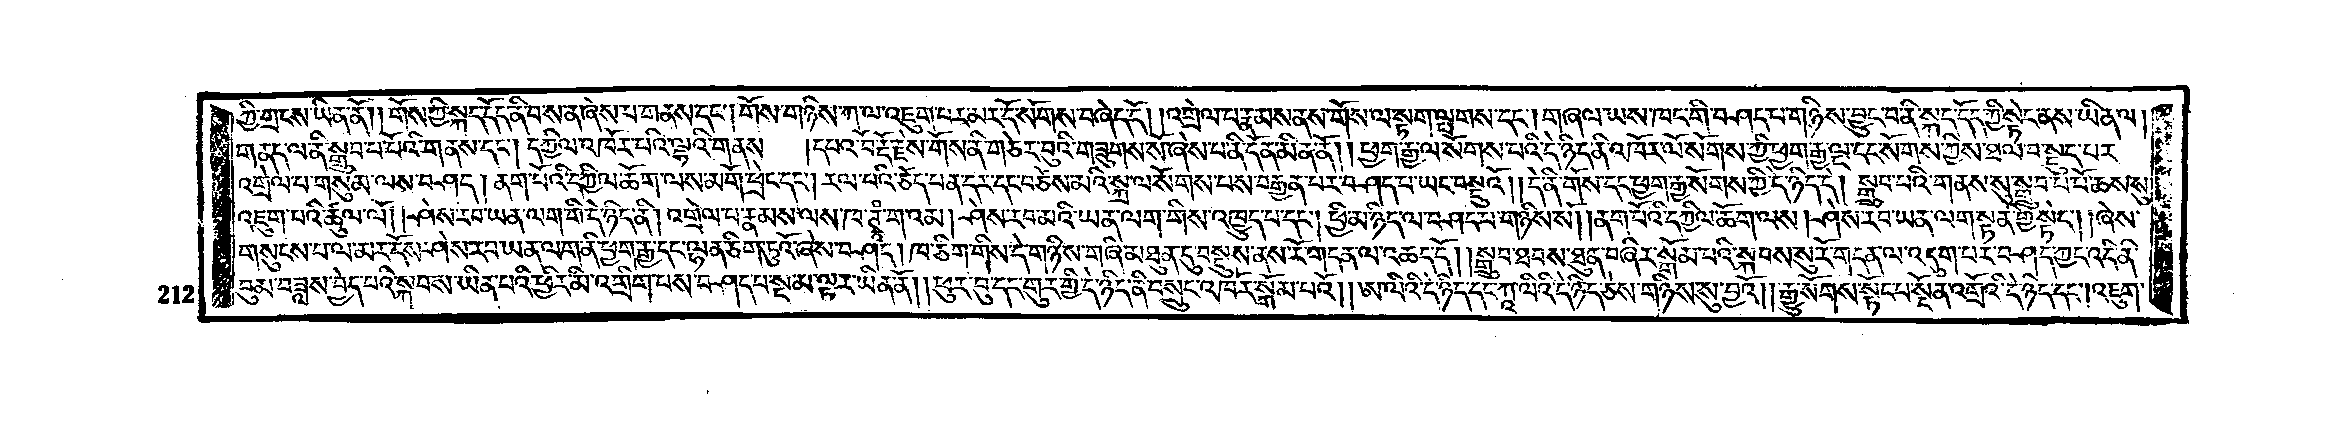ཀྱི་གྲངས་ཡིན་ནོ། །གོས་ཀྱི་སྐད་དོད་ནི་བ་ས་ན་ཞེས་པ་གནས་དང་། གོས་གཉིས་ཀ་ལ་འཇུག་པར་མར་དོ་སོགས་བཞེད་དོ། །འགྲེལ་པ་རྣམས་ནས་གོས་ལ་སྟག་ལྤགས་དང་། གཞལ་ཡས་ཁང་གི་བཤད་པ་གཉིས་བྱུང་བ་ནི་སྐད་དོད་ཀྱི་སྟེང་ནས་ཡིན་ལ།
གནད་ལ་ནི་སྒྲུབ་པ་པོའི་གནས་དང་། དཀྱིལ་འཁོར་པའི་ལྷའི་གནས། དཔའ་བོ་རྡོ་རྗེས་གོས་ནི་གཅེར་བུའི་གཟུགས་སོ་ཞེས་པ་ནི་དོན་མིན་ནོ། །ཕྱག་རྒྱ་ལ་སོགས་པའི་དེ་ཉིད་ནི་འཁོར་ལོ་སོགས་ཀྱི་ཕྱག་རྒྱ་ལྔ་དང་སོགས་ཀྱིས་ཐལ་བ་སྡུད་པར་
འགྲེལ་པ་གསུམ་ལས་བཤད། ནག་པོའི་དཀྱིལ་ཆོག་ལས་མགོ་ཕྲེང་དང་། རལ་པའི་ཅོད་པན་དར་དང་བཅོས་མའི་སྐྲ་ལ་སོགས་པས་བརྒྱན་པར་བཤད་པ་ཡང་བསྡུའོ། །དེ་ནི་གོས་དང་ཕྱག་རྒྱ་སོགས་ཀྱི་དེ་ཉིད་དེ། སྒྲུབ་པའི་གནས་སུ་སྒྲུབ་པ་པོ་ཆོས་སུ་
འཇུག་པའི་ཚུལ་ལོ། །ཤེས་རབ་ཡན་ལག་གི་དེ་ཉིད་ནི། འགྲེལ་པ་རྣམས་ལས་ཁ་ཊྭཱཾ་ག་འམ། ཤེས་རབ་མའི་ཡན་ལག་གིས་འཁྱུད་པ་དང་། ཕྱི་མ་ཉིད་ལ་བཤད་པ་གཉིས་སོ། །ནག་པོའི་དཀྱིལ་ཆོག་ལས། ཤེས་རབ་ཡན་ལག་སྟན་གྱི་སྟེང་། །ཞེས་
གསུངས་པ་ལ་མར་དོས་ཤེས་རབ་ཡན་ལག་ནི་ཕྱག་རྒྱ་དང་ལྷན་ཅིག་ཏུའོ་ཞེས་བཤད། ཁ་ཅིག་གིས་དེ་གཉིས་གཞི་མཐུན་དུ་བསྡུས་ནས་རོ་གདན་ལ་འཆད་དོ། །སྒྲུབ་ཐབས་ཐུན་བཞིར་སྒོམ་པའི་སྐབས་སུ་རོ་གདན་ལ་འདུག་པར་བཤད་ཀྱང་འདི་ནི་
བུམ་བཟླས་བྱེད་པའི་སྐབས་ཡིན་པའི་ཕྱིར་མི་འགྲིག་པས་བཤད་པ་སྔ་མ་ལྟར་ཡིན་ནོ། །ཕུར་བུ་དང་གུར་གྱི་དེ་ཉིད་ནི་བསྲུང་འཁོར་སྒོམ་པའོ། །ཨ་ལིའི་དེ་ཉིད་དང་ཀཱ་ལིའི་དེ་ཉིད་ཅེས་སྒྙིས་སུ་བྱའོ། །རྒྱུ་སོགས་སྟོང་པ་སྔོན་འགྲོའི་དེ་ཉིད་དང་། འཇུག་